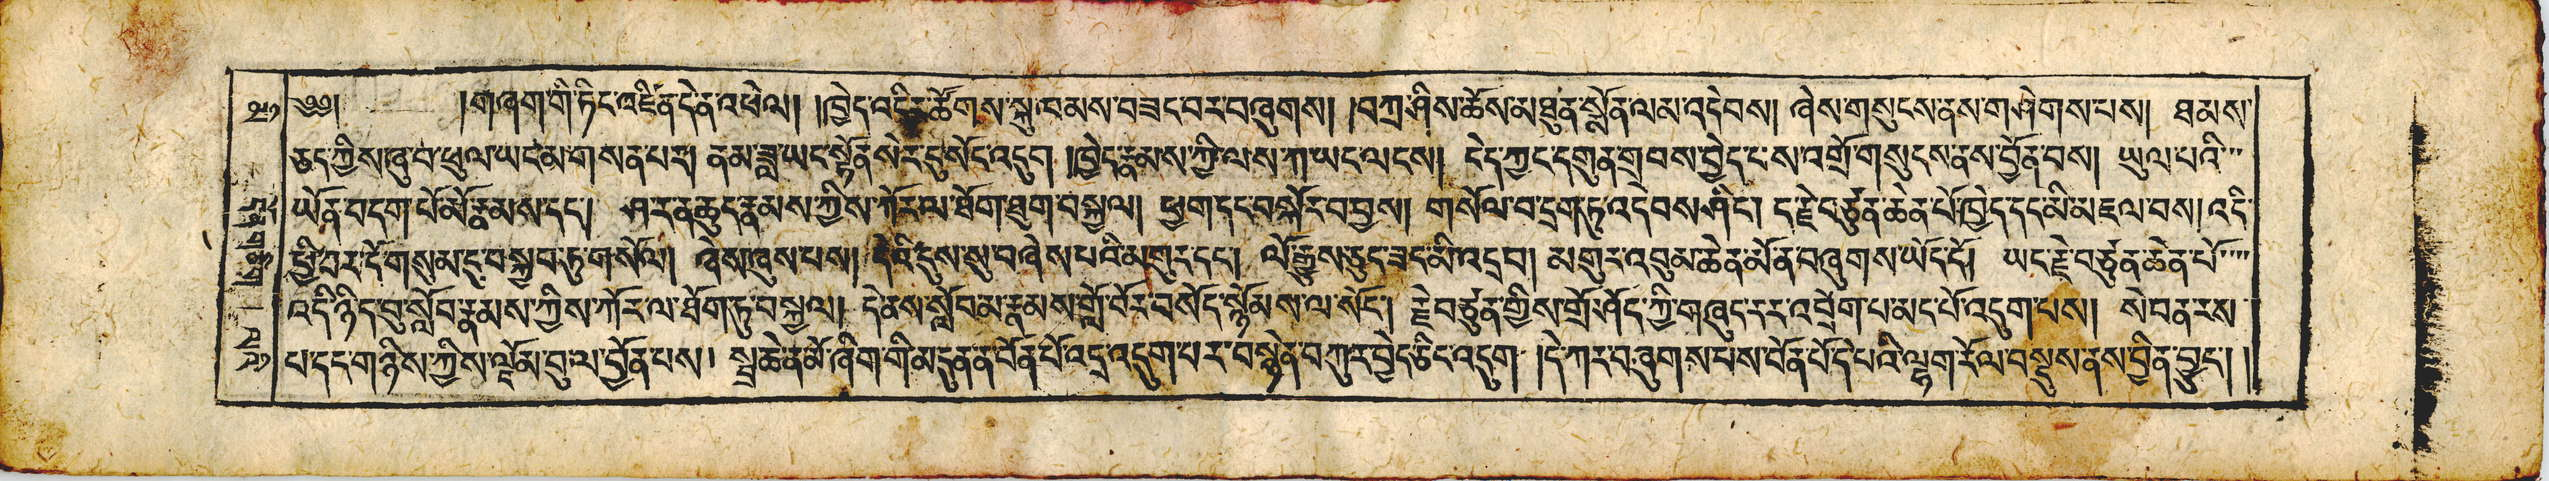གཞག་གི་ཏིང་འཛིན་དེ་ན་འཕེལ། །ཁྱེད་འདིར་ཚོགས་སྐུ་ཁམས་བཟང་བར་བཞུགས། །བཀྲ་ཤིས་ཆོས་མཐུན་སྨོན་ལམ་འདེབས། ཞེས་གསུངས་ནས་གཤེགས་པས། ཐམས་
ཅད་ཀྱིས་ཞུ་བ་ཕུལ་ཡང་མ་གསན་པར། ནམ་ཟླ་ཡང་སྟོན་སེར་དུ་སོང་འདུག། །ཁྱེད་རྣམས་ཀྱི་ལས་ཀ་ཡང་ལངས། ངེད་ཀྱང་དགུན་གྲབས་བྱེད་པས་འགྲོ་གསུངས་ནས་བྱོན་པས། ཡུལ་པའི་
ཡོན་བདག་ཕོ་མོ་རྣམས་དང་། ཤར་ཆུང་རྣམས་ཀྱིས་ཀོར་ལ་ཐོག་ཐུག་བསྐྱལ། ཕྱག་དང་བསྐོར་བ་བྱས། གསོལ་བ་དྲག་ཏུ་འདེབས་ཤིང་། ད་རྗེ་བཙུན་ཆེན་པོ་ཁྱེད་དང་མི་མཇལ་བས། འདི་
ཕྱི་བར་དོ་གསུམ་དུ་བསྐྱབ་ཏུ་གསོལ། ཞེས་ཞུས་པས། དེའི་དུས་སུ་བཞེས་པའི་མགུར་དང་། ལོ་རྒྱུས་ཅུང་ཟད་མི་འདྲ་བ། མགུར་འབུམ་ཆེན་མོ་ན་བཞུགས་ཡོད་དོ། ། ཡང་རྗེ་བཙུན་ཆེན་པོ་
འདི་ཉིད་བུ་སློབ་རྣམས་ཀྱིས་ཀོར་ལ་ཐོག་ཏུ་བསྐྱལ། དེ་ནས་སློབ་མ་རྣམས་གློ་བོར་བསོད་སྙོམས་ལ་སོང་། རྗེ་བཙུན་གྱིས་གྲོ་ཤོད་ཀྱི་གཞུང་དར་འབྲེག་པ་མང་པོ་འདུག་པས། སེ་བན་རས་
པ་དང་གཉིས་ཀྱིས་ལྡོམ་བུ་ལ་བྱོན་པས། སྦྲ་ཆེན་མོ་ཞིག་གི་མདུན་ན་བོན་པོ་འདྲ་འདུག་པར་བསྙེན་བཀུར་བྱེད་ཅིང་འདུག་།དེ་ཀར་བཞུགས་པས་བོན་པོ་དེ་པའི་ལྷག་རོལ་བསྡུས་ནས་བྱིན་བྱུང་། །